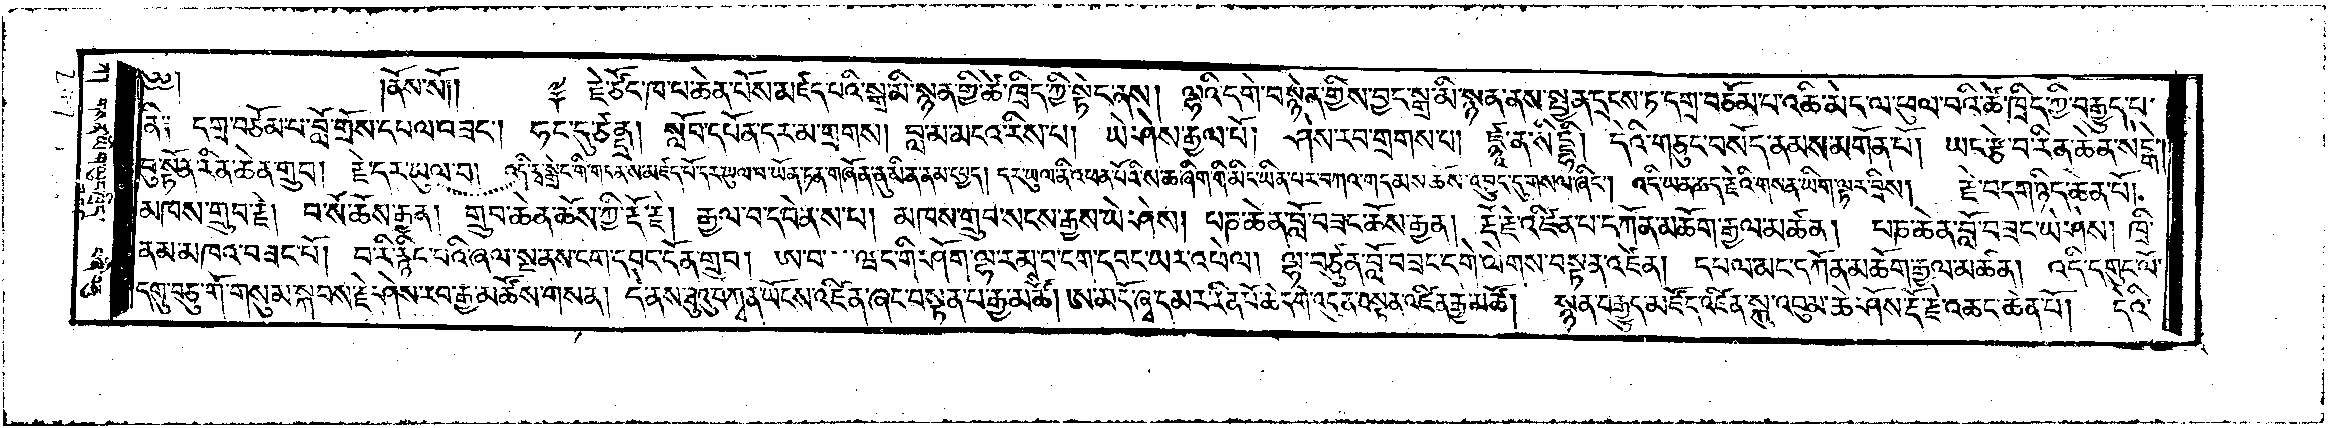༄༅། །ནོས་སོ།། འ་རྗེ་ཙོང་ཁ་པ་ཆེན་པོས་མཛད་པའི་སྒྲ་མི་སྙན་གྱི་ཚེ་ཁྲིད་ཀྱི་སྟེང་ནས། ལྷའི་དགེ་བསྙེན་གྱིས་བྱང་སྒྲ་མི་སྙན་ནས་སྤྱན་དྲངས་ཏ་དགྲ་བཅོམ་པ་འཆི་མེད་ལ་ཕུལ་བའི་ཚེ་ཁྲིད་ཀྱི་བརྒྱུད་པ་
ནི༑ དགྲ་བཅོམ་པ་བློ་གྲོས་དཔལ་བཟང་། ཧང་དུ་ཙནྡྲ། སློབ་དཔོན་དར་མ་གྲགས། བླ་མ་མངའ་རིས་པ། ཡེ་ཤེས་རྒྱལ་པོ། ཤེས་རབ་གྲགས་པ། ཛྙཱ་ན་སིདྡྷི། དེའི་གཅུང་བསོད་ནམས་མགོན་པོ། ཡང་རྩེ་བ་རིན་ཆེན་སེངྒེ།
བུ་སྟོན་རིན་ཆེན་གྲུབ། རྗེ་དར་འདི་རྭ་སྒྲེང་གི་གདན་ས་མཛད་པོ་དར་ཡུལ་བ་ཡོན་ཏན་གཞོན་ནུ་མིན་ནམ་དཔྱད།  ཡུལ་བ། དར་ཡུལ་ནི་འཕན་པོའི་ས་ཆ་ཞིག་གི་མིང་ཡིན་པར་བཀའ་གདམས་ཆོས་འབྱུང་དུ་གསལ་ཞིང་། འདི་ཡན་ཆད་རྗེའི་གསན་ཡིག་ལྟར་བྲིས། རྗེ་བདག་ཉིད་ཆེན་པོ།
མཁས་གྲུབ་རྗེ། བ་སོ་ཆོས་རྒྱན། གྲུབ་ཆེན་ཆོས་ཀྱི་རྡོ་རྗེ། རྒྱལ་བ་དབེན་ས་པ། མཁས་གྲུབ་སངས་རྒྱས་ཡེ་ཤེས། པཎ་ཆེན་བློ་བཟང་ཆོས་རྒྱན། རྡོ་རྗེ་འཛིན་པ་དཀོན་མཆོག་རྒྱལ་མཚན། པཎ་ཆེན་བློ་བཟང་ཡེ་ཤེས། ཁྲི་
ནམ་མཁའ་བཟང་པོ། བ་རི་རྙིད་པའི་ཞལ་སྔ་ནས་ངག་དབང་དོན་གྲུབ། ཨ་བ་ཝ་ང་གི་ཤོག་ལྷ་རྣམས་པ་ངག་དབང་ཡར་འཕེལ། ལྷ་བཙུན་བློ་བཟང་དགེ་ལེགས་བསྟན་འཛེན། དཔལ་མང་དཀོན་མཆོག་རྒྱལ་མཚན། འདི་དགུང་ལོ་
དགུ་བཅུ་གོ་གསུམ་སྐབས་རྗེ་ཤེས་རབ་རྒྱ་མཚོས་གསན། དེ་ནས་ཐུའུ་བཀྭན་ཡོངས་འཛིན་ཞང་བསྟན་པ་རྒྱ་མཚོ། ཨ་མདོ་ཞྭ་དམར་རིན་པོ་ཆེ་དགེ་འདུན་བསྟན་འཛིན་རྒྱ་མཚོ། སྙན་བརྒྱུད་མཛོད་འཛིན་སྐུ་འབུམ་ཆེ་ཤོས་རྡོ་རྗེ་འཆང་ཆེན་པོ། དེའི་